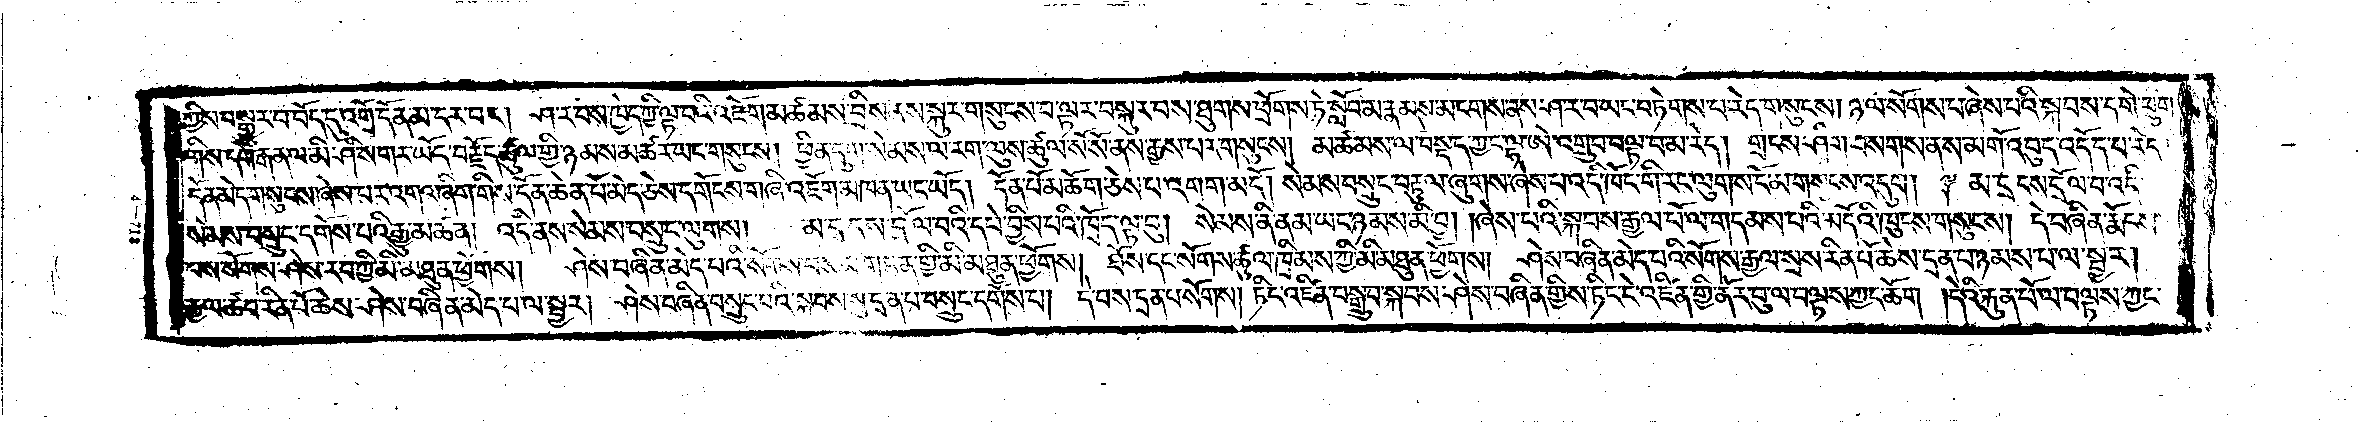ཀྱིས་བསྒྱུར་བ་བོད་དུ་འགྲོ་དོན་མ་དར་བར། ཤ་རབས་ཁྱེད་ཀྱི་ལྟ་བའི་འཇོག་མཚམས་བྲིས་ནས་སྐུར་གསུངས་པ་ལྟར་བསྐུར་བས་ཐུགས་ཕྲོགས་ཏེ་སློབ་མ་རྣམས་མངགས་ནས་ཤར་པ་ཡང་བཏེགས་པ་རེད་གསུངས། ཉ་ལ་སོགས་པ་ཞེས་པའི་སྐབས་དགེ་ཕྲུག་
གིས་དགེ་རྒན་ལ་མི་ཤིས་གར་ཡོད་བརྗོད་ཚུལ་གྱི་ཉམས་མཚར་ཡང་གསུངས། ཕྱིན་དྲུག་སེམས་ལ་རག་ལུས་ཚུལ་སོ་སོ་ནས་རྒྱས་པར་གསུངས། མཚམས་ལ་བསྡད་ཀྱང་ལྷ་ཨེ་འགྲུབ་བལྟ་བ་མ་རེད། གྲངས་ཤིག་བསགས་ནས་མགོ་འབུད་འདོད་པ་རེད་
དོན་མེད་གསུངས་ཞེས་པར་འགའ་ཞིག་གིས་དོན་ཆེན་པོ་མེད་ཅེས་དགོངས་གཞི་འཇོག་མཁན་ཡང་ཡོད། དོན་པོ་མཆོག་ཅེས་པ་འགག་མདོ། སེམས་བསྲུང་བརྟུལ་ཞུགས་ཞེས་པ་འདི་ཁོང་གི་རང་ལུགས་ངོ་མ་གསུངས་འདུག། ༈ མ་དྲངས་དྲོལ་བ་འདི་
སེམས་བསྲུང་དགོས་པའི་རྒྱུ་མཚན། འདི་ནས་སེམས་བསྲུང་ལུགས། མདྲངས་དྲོལ་བའི་དཔེ་བྱིས་པའི་ཁྲོད་ལྟ་བུ། སེམས་ནི་ནམ་ཡང་ཉམས་མི་བྱ། །ཞེས་པའི་སྐབས་རྒྱལ་པོ་ལ་གདམས་པའི་མདོའི་ཁུངས་གསུངས། དེ་བཞིན་རྨོངས་
པས་སོགས་ཤེས་རབ་ཀྱི་མི་མཐུན་ཕྱོགས། ཤེས་བཞིན་མེད་པའི་སོགས་བསམ་གཏན་གྱི་མི་མཐུན་ཕྱོགས། ཐོས་དང་སོགས་ཚུལ་ཁྲིམས་ཀྱི་མི་མཐུན་ཕྱོགས། ཤེས་བཞིན་མེད་པའི་སོགས་རྒྱལ་སྲས་རིན་པོ་ཆེས་དྲན་པ་ཉམས་ཕ་ལ་སྦྱར།
རྒྱལ་ཚབ་རིན་པོ་ཆེས་ཤེས་བཞིན་མེད་པ་ལ་སྦྱར། ཤེས་བཞིན་བསྲུང་བའི་སྐབས་སུ་དྲན་པ་བསྲུང་དགོས་པ། དེ་བས་དྲན་པ་སོགས། ཏིང་འཛིན་བསྒྲུབ་སྐབས་ཤེས་བཞིན་གྱིས་ཏིང་ངེ་འཛིན་གྱི་ནོར་བུ་ལ་བལྟས་ཀྱ?་ཆོག །དེའི་རྐུན་པོ་ལ་བལྟས་ཀྱང་